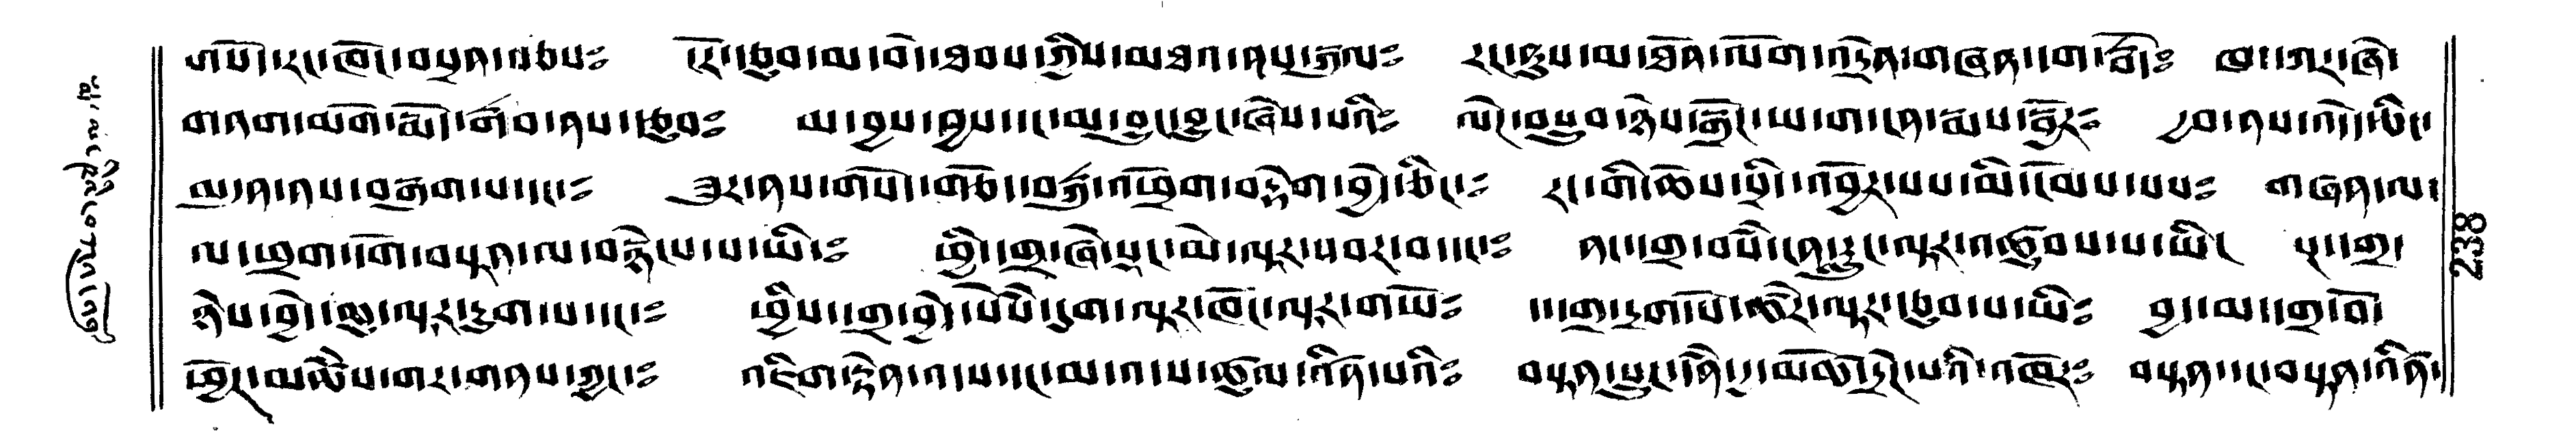གསོད་མ་རུང་ཁོང་བསྲན་བཅསཿ ངོར་རྩུབ་མ་བདེ་ཐབས་ཀྱིས་མཐའ་ནས་སྐུལཿ རང་ནུས་མ་ཐོན་ལོག་འདྲེན་གཞན་བདག་རྦོདཿ ཁ་དཀར་ཞེ་
གནག་མགོ་རྨོད་རྒབ་ནས་རྩུབཿ མ་བྱས་བྱས་དང་མ་བྱུང་བྱུང་ཞེས་པའིཿ ལེགས་བསུབ་ཉེས་སྒྲོག་ཡ་ག་ངན་སྨས་སྦྱོརཿ རྒྱབ་ནས་འདོད་ཅིང་
མདུན་ནས་སྒུག་པ་དངཿ ཟུར་ནས་གསོད་གཅོད་བརྐུ་འཕྲོག་རྡེག་བྱེད་ཅིངཿ རང་གི་ཆོས་སྲིད་འབྱོར་པས་མི་ངོམས་པསཿགཞན་ལ་
ལ་ཕྲག་དོག་བསྟན་ལ་བསྙེངས་པ་ཡིཿ ཕྱི་དགྲ་ཞེ་སྡང་མེ་ལྟར་འབར་བ་དངཿ ནང་དགྲ་བསམ་ངན་རླུང་ལྟར་འཚུབས་པ་ཡིཿ སྔ་དགྲ་
ཉེས་བྱེད་ཆུ་ལྟར་རྒྱུག་པ་དངཿ ཕྱིས་དགྲ་བྱེད་སེམས་དུག་ལྟར་ཁོང་ལྟར་གཡོཿ ད་དགྲ་དྲག་པོ་ཚེར་ལྟར་རྩུབ་པ་ཡིཿ བྱད་མ་དགྲ་བོ་
ཕྱོགས་མཚམས་གར་གནས་ཀྱངཿ འཇིག་རྟེན་འདས་དང་མ་འདས་པ་ཚུལ་འཛིན་པའིཿ བསྟན་སྲུང་དམ་ཅན་རྒྱ་མཚོ་དྲེགས་པའི་འཁོརཿ བསྟན་དང་བསྟན་འཛིན་